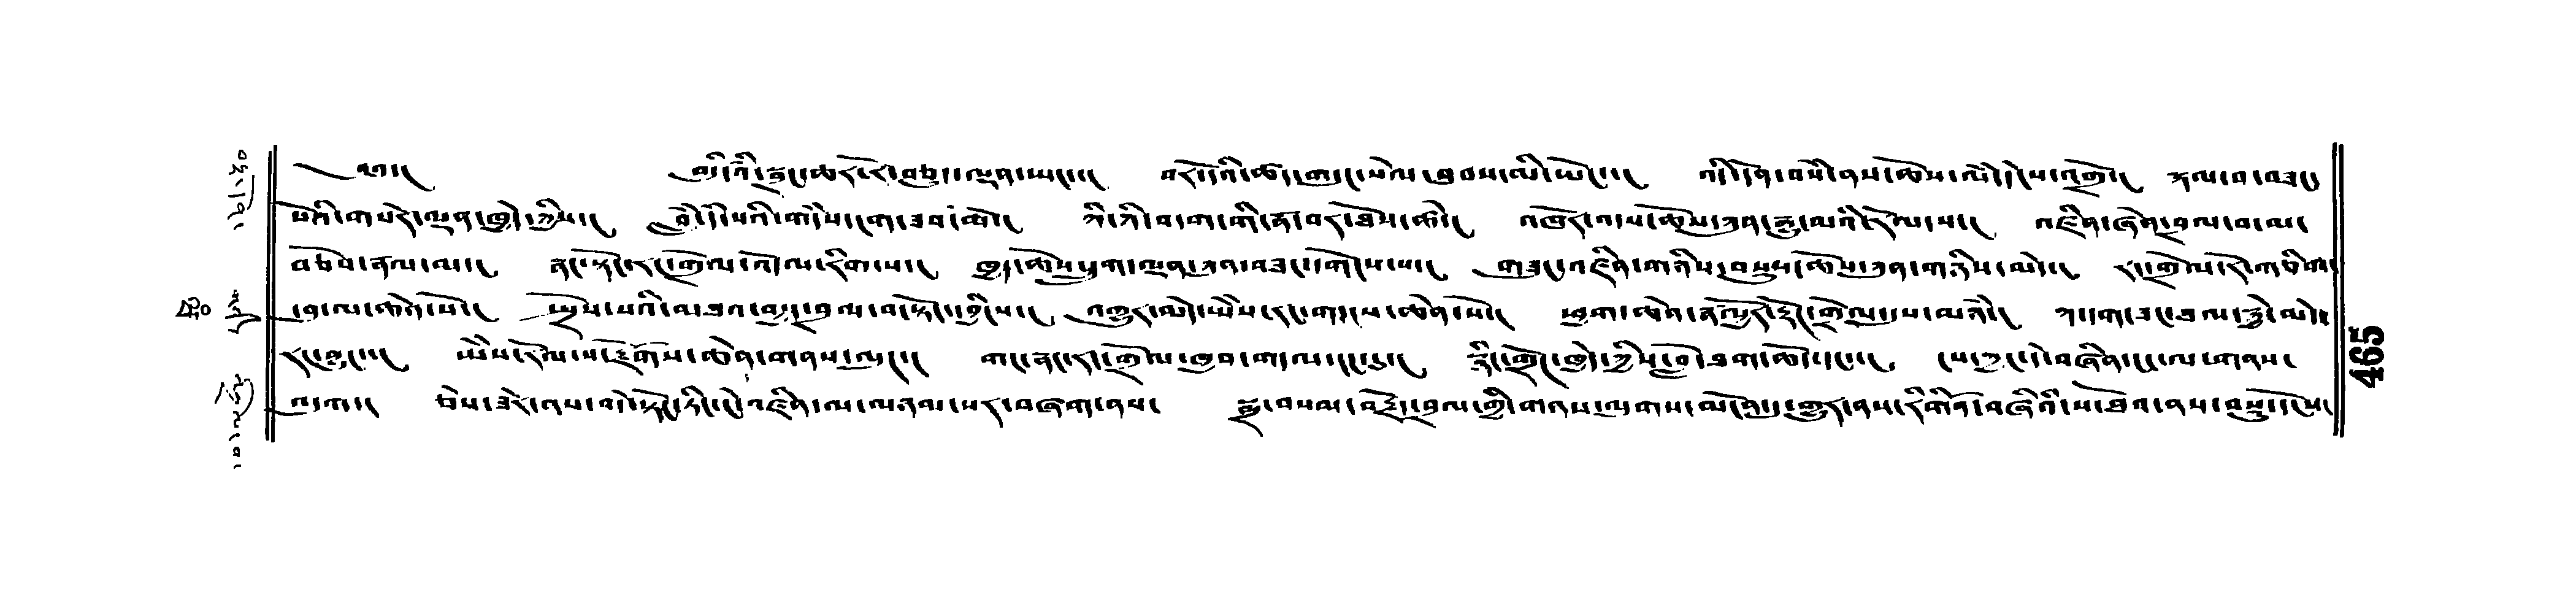།བདུད་རྩིའི་སྦྲང་ཆར་རོ་བཅུད་ལྡན་ཡང་། །བར་དོའི་ཚ་གདུང་སེལ་ཐབས་མི་ཡོང་། །འདི་དོན་བསམ་ནས་ཆོས་ལམ་དེངས་འགྲོ། །སྐལ་བ་བཟང་
པོའི་གསེར་ལྡན་ཁྱེད་ཀྱིས། །བླ་མ་དམ་པའི་གདམས་ངག་ཟབ་མོ། །ཀི་ཀི་བདག་གི་རྣ་བར་ཐོས་ཚེ། །འཁོར་འདས་ཆོས་ཀུན་སྒྱུ་མའི་རོལ་པ། །འཛིན་ཞེན་བྲལ་བ་མ་
བཅོས་རྣལ་མ། །སྣང་སྟོང་རང་གྲོལ་འོད་གསལ་རིག་པ། ཁྱད་ཆོས་དྲུག་ལྡན་ཀུན་བཟང་དགོངས་པ། །གཟུང་འཛིན་གཉིས་བསྡུས་ཆོས་ཀུན་གཉིས་མེད། །རང་གྲོལ་རོ་གཅིག་
དབུ་མ་ཆེན་པོ། །སྤྲོས་པའི་མཐའ་བརྒྱད་བྲལ་བ་སྟོང་དབྱིངས། །འགྱུར་མེད་ཡེ་ཤེས་རང་གདངས་ཆེན་པོ། །ཕྱག་ཆེན་རྣལ་འབྱོར་རྟོགས་གྲོལ་དུས་མཉམ། །ཀ་དག་ཟང་ཐལ་སྐྱེ་མེད་
རང་བྱུང་། །ཡེ་ཤེས་རོལ་པ་རྫོགས་ཆེན་གནས་ལུགས། །གང་སྣང་རང་གྲོལ་ཁྱབ་གདལ་ངང་དུ། །སྙིང་གྲོགས་ཁྱེད་ཀྱིས་བློ་ཐག་ཆོད་དང་། །ངས་ཀྱང་དེ་བཞིན་ངང་ལ་གནས་
འདུག །ཅེས་ཟེར་ནས་བདེ་སྟོང་ཏིང་ངེ་འཛིན་ལ་མཉམ་པར་བཞག་ནས། སྨྲ་བས་མ་བརྗོད་བྲལ་གྱི་གནས་ལུགས་མངོན་དུ་གྱུར་ནས་རིག་འཛིན་བཞིའི་ས་ཐོབ་ཏེ་བསྡུ་དངོས་